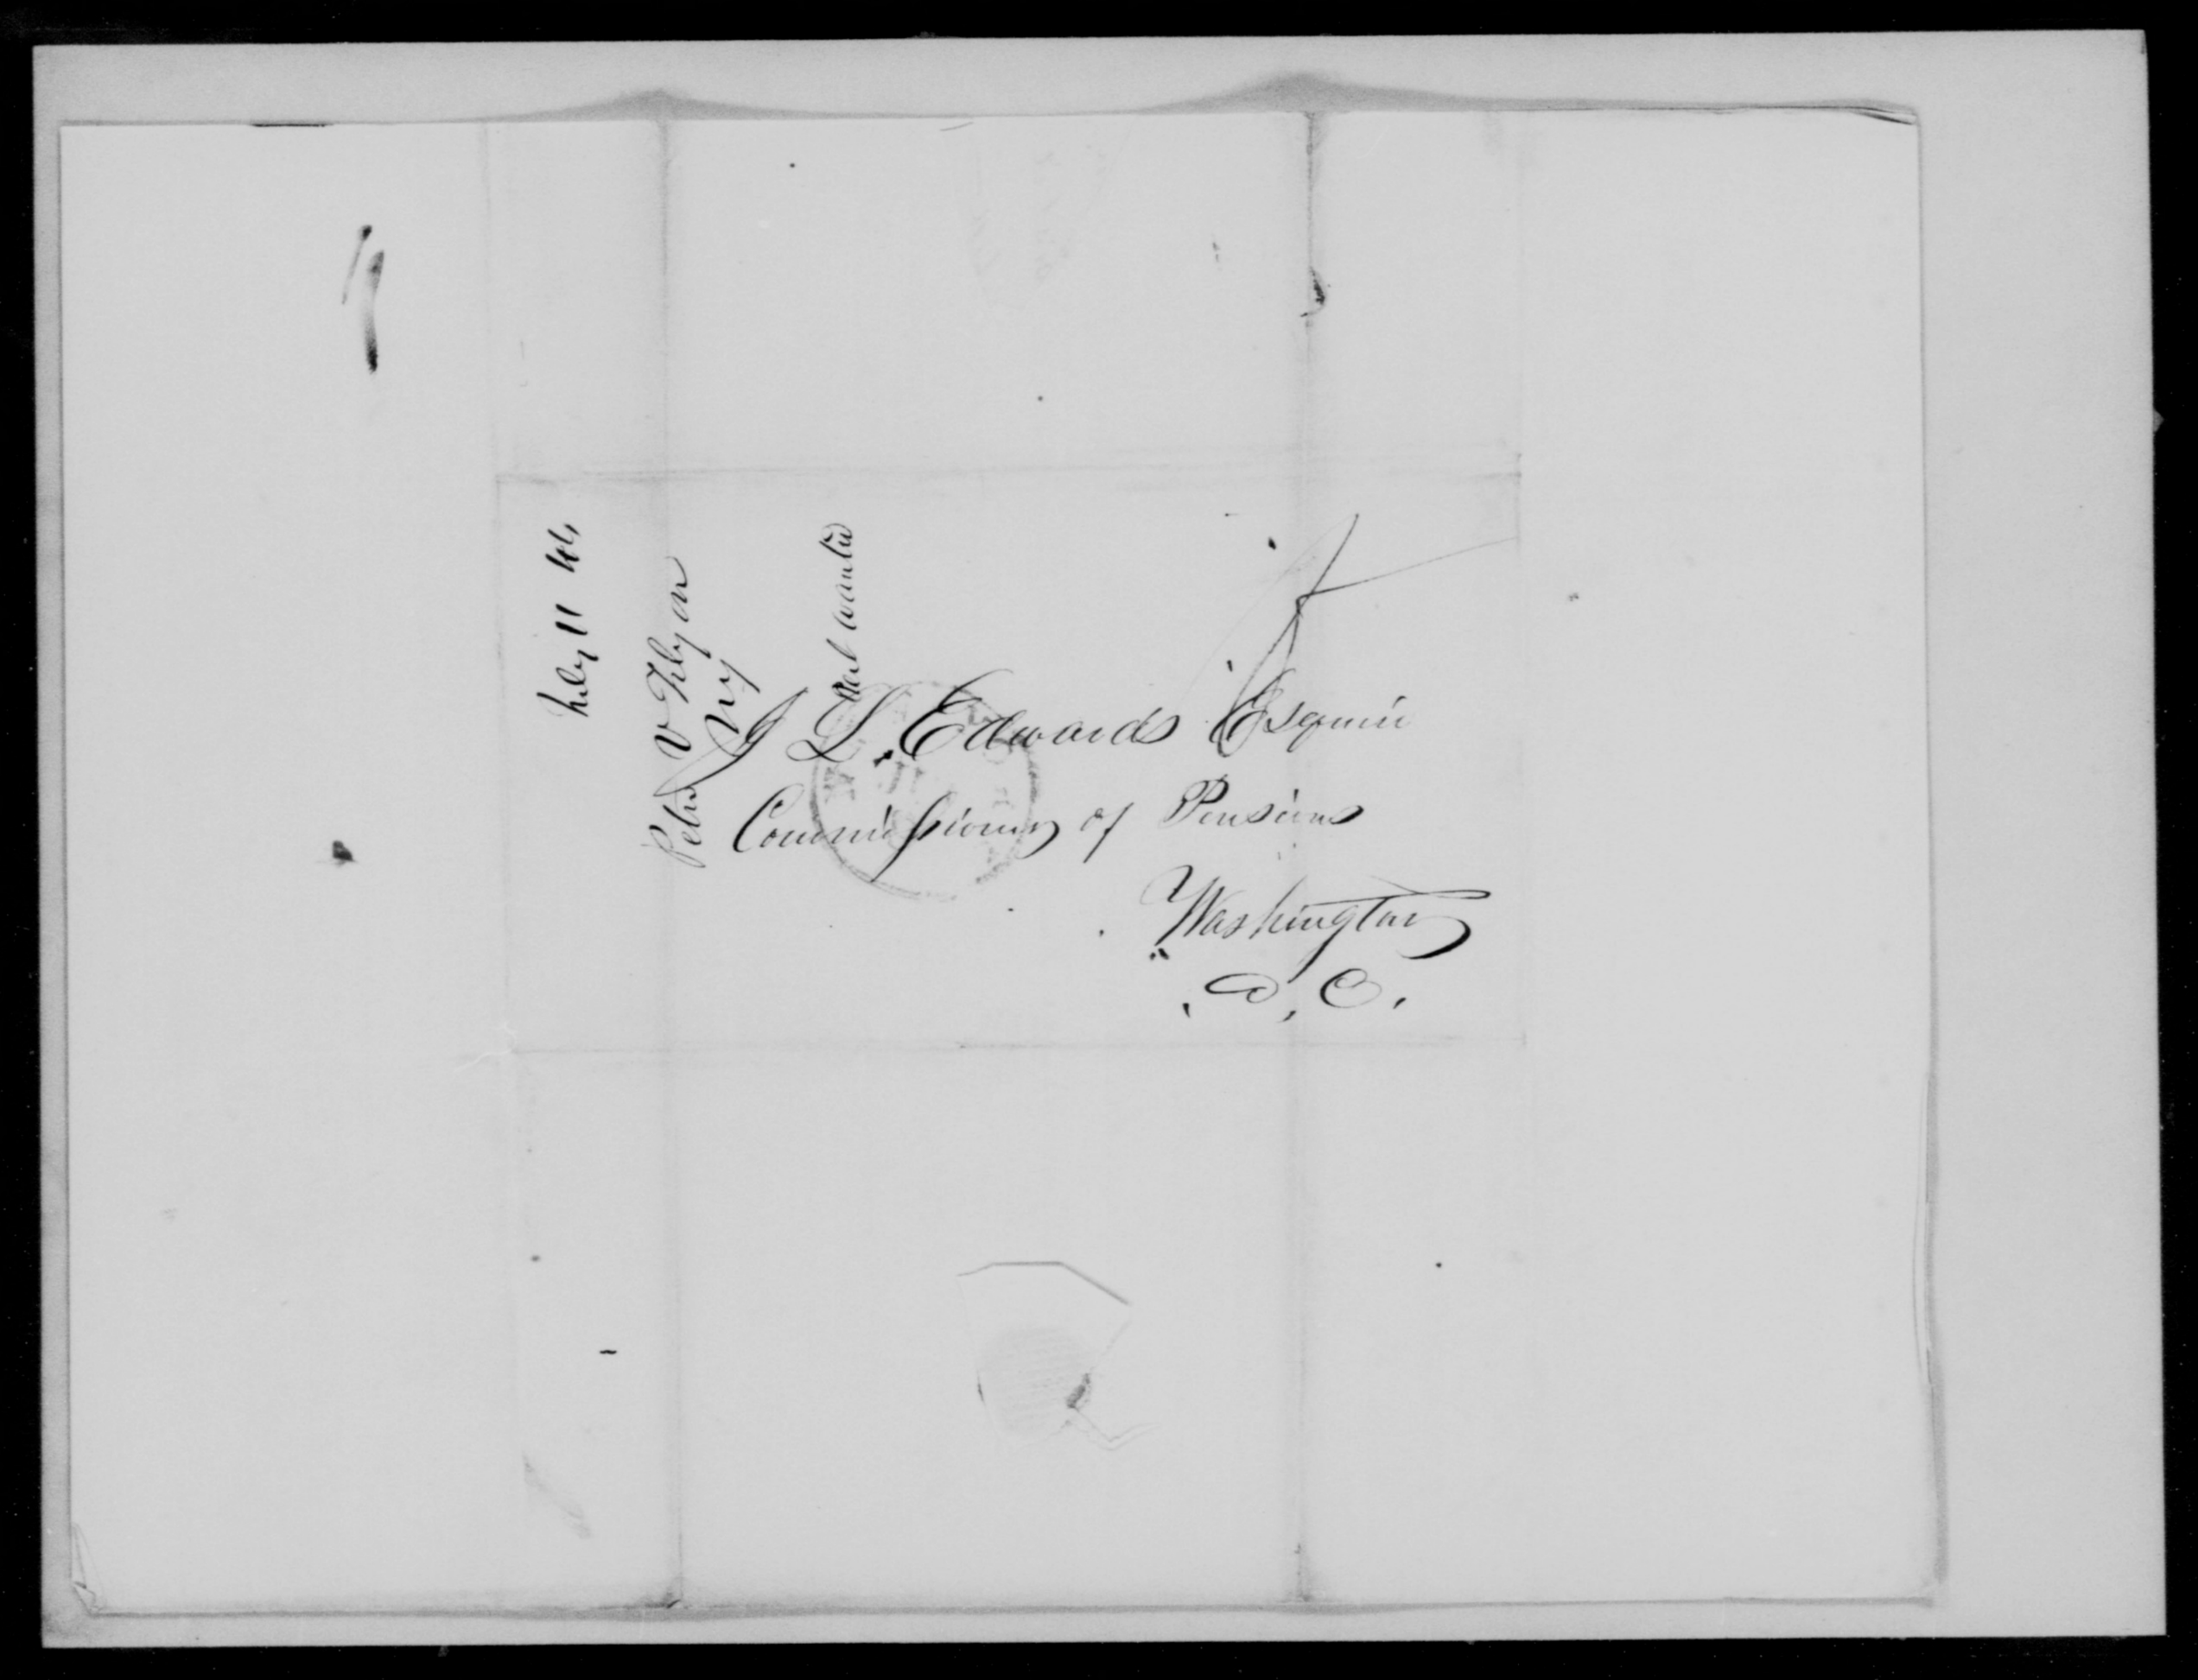J L Edwards Esquire
Commissioner of Pensions
Washington D.C.

July 11 44
Peter V Tilyou
NY
[illegible]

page: 30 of 101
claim: widow's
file: W. 25481, for Peter V Tilyou, New Jersey